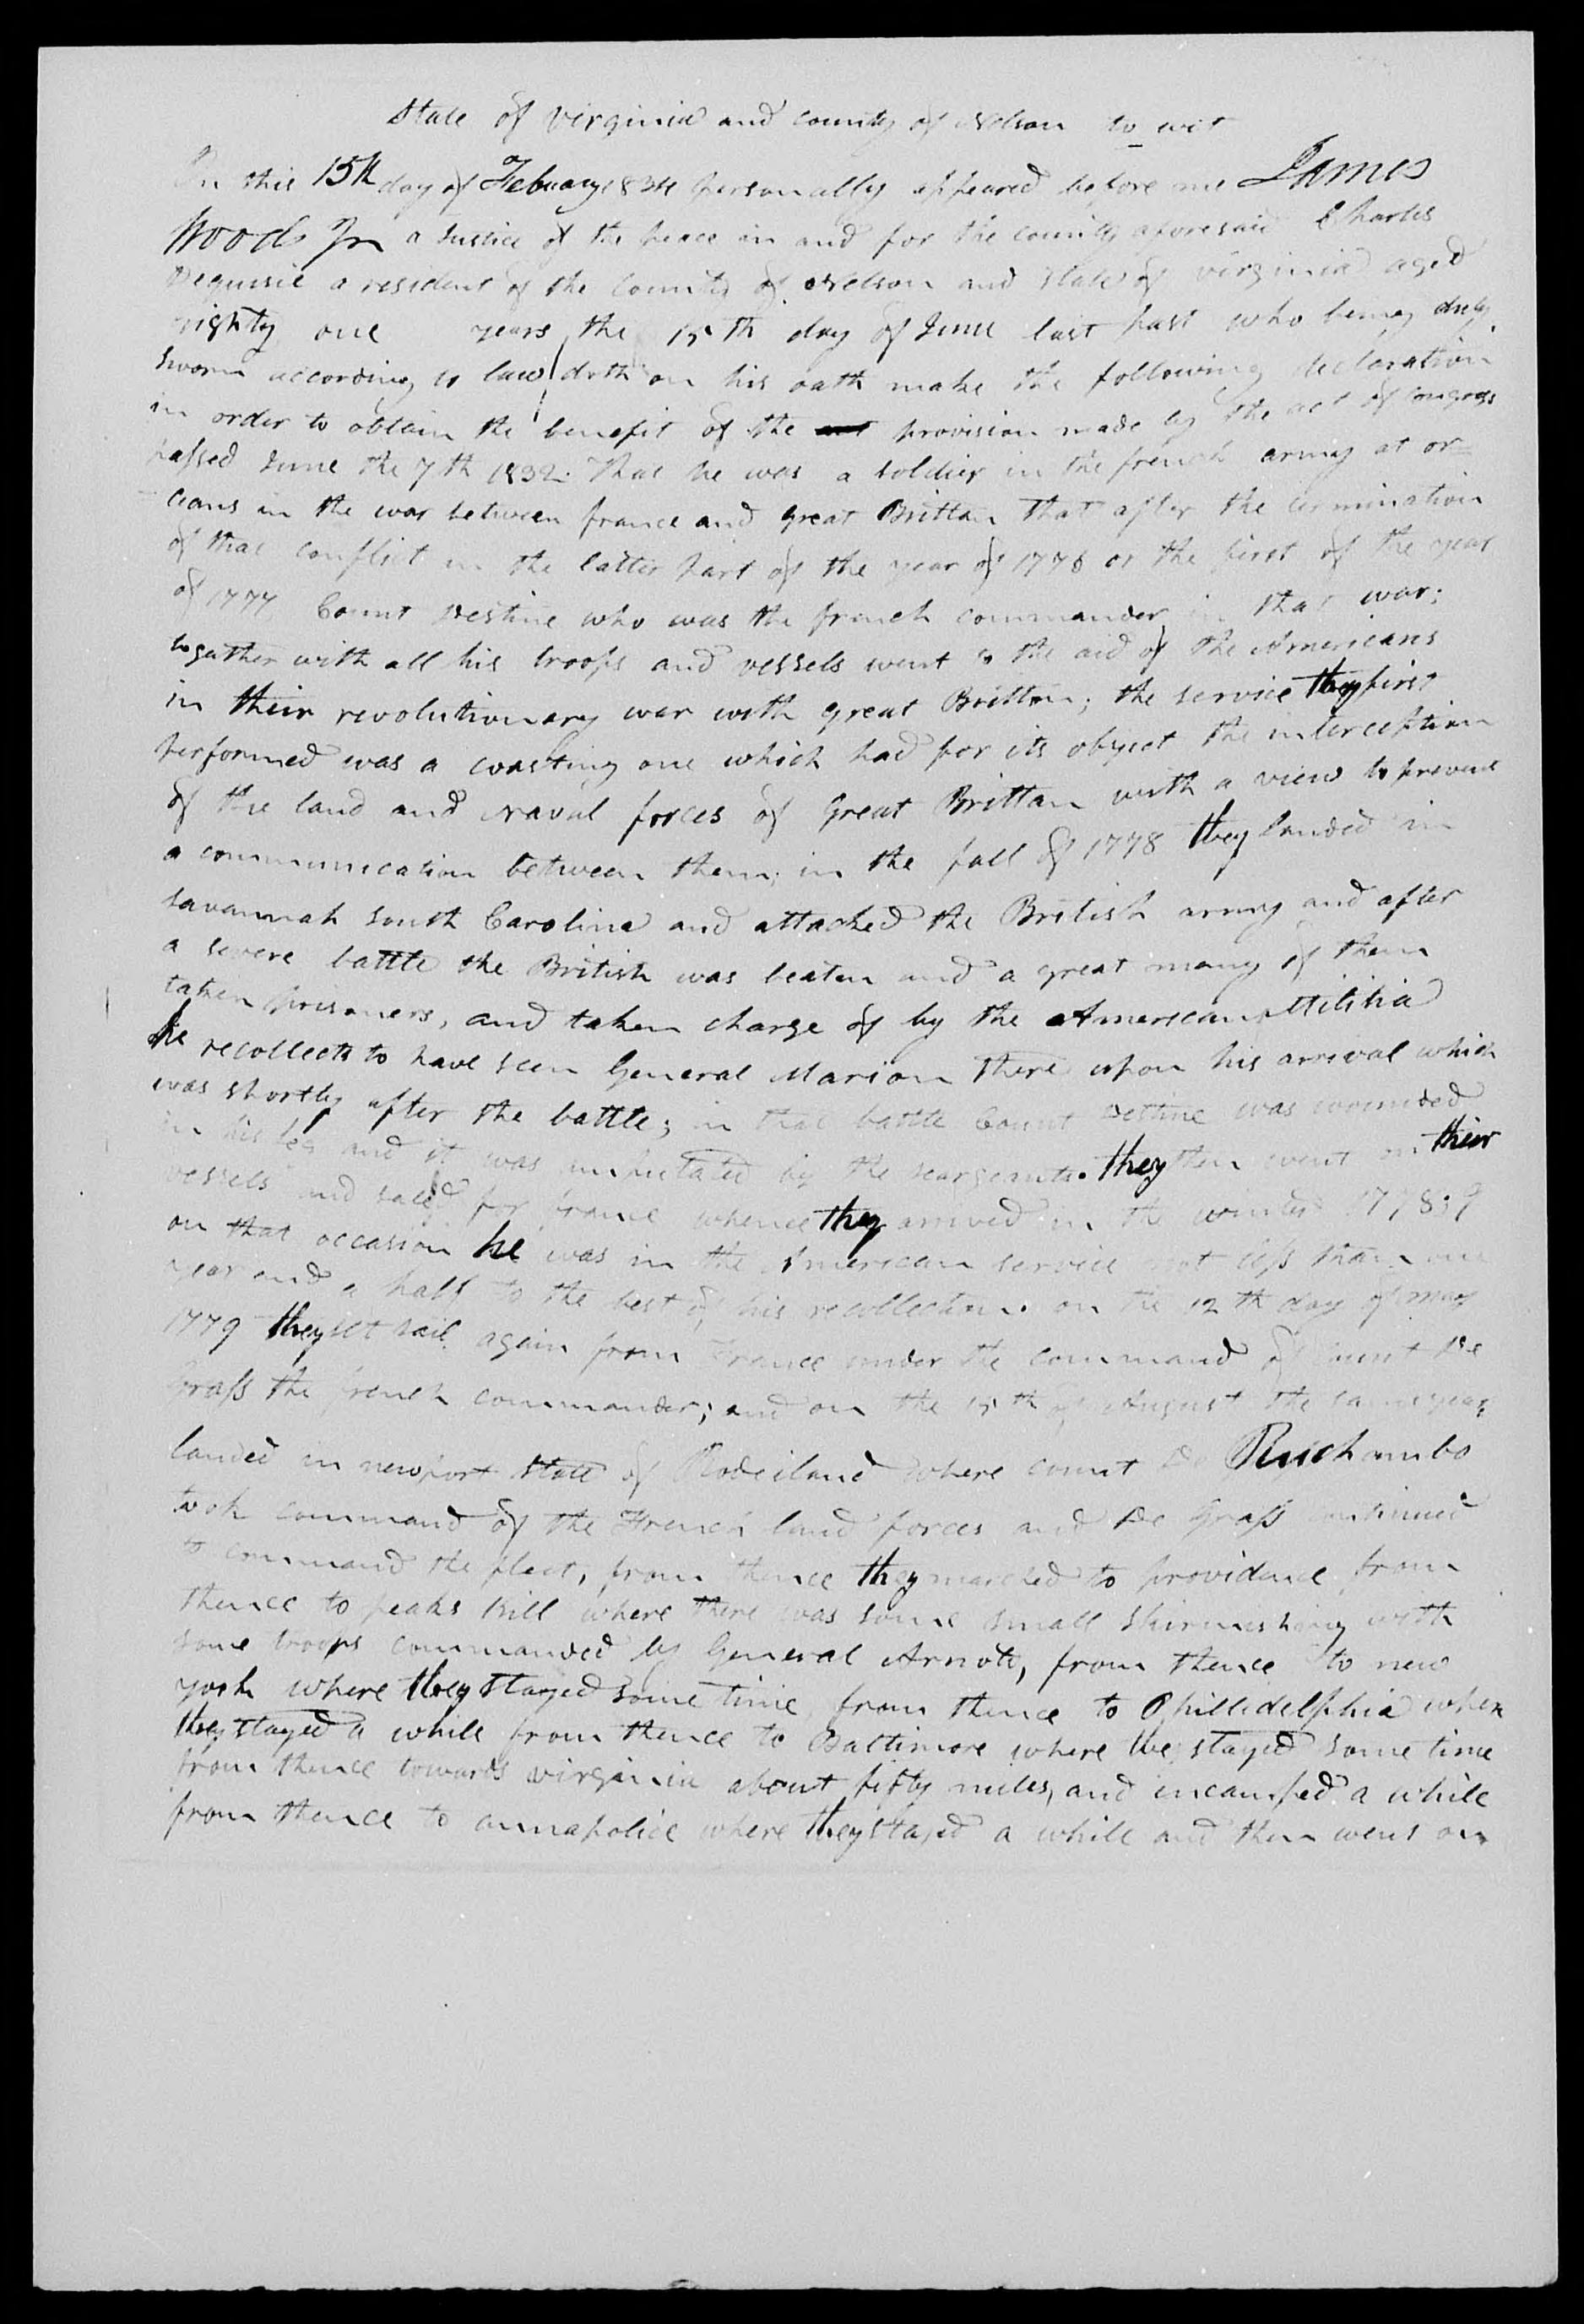State of Virginia and County of Nelson to wit

On this 15th day of February 1834 personally appeared before me James Woods Jr a Justice of the peace in and for the County aforesaid Charles Dequisie, a resident of the County of Nelson and State of Virginia aged eighty one years the 15th day of June last past who being duly sworn according to law doth on his oath make the following declaration in order to obtain the benefit of the provision made by the act of Congress passed June the 7th 1832. That he was a soldier in the french army at Orleans in the war between france and Great Brittain. that after the termination of that conflict in the latter part of the year of 1776 or the first of the year of 1777, Count vestine who was the french commander in that war, together with all his troops and vessels went to the aid of the Americans in their revolutionary war with great Brittain; the service they first performed was a watching one which had for its object the interception of the land and Naval forces of Great Brittain with a view to prevent a communication between them; in the fall of 1778 they landed in Savannah South Carolina and attacked the British army and after a severe battle the British was beaten and a great many of them taken prisoners, and taken charge of by the American Militia. he recollects to have seen General Marion there upon his arrival which was shortly after the battle; in the battle Count Pettine was wounded in his leg and it was inspected by the sergeants.  They then went on their vessels and made for France where they arrived in the winter 1778. on that occasion he was in the American service not less than one year and a half to the best of his recollection on the 12th day of May 1779. they set sail again from France under the command of Count DeGraffs the French commander; and on the 17th of August the company landed in Newport, State of Rhode Island where Count De Richmonds took command of the French land forces and De Graffs returned to command the fleet.  from thence they marched to Providence from thence to Peaks Hill where there was some small skirmishes  with some troops commanded by General Arnold, from thence to new York where they stayed some time; from thence to Philadelphia where they stayed a while, from thence to Baltimore where they stayed some time, from thence towards Virginia about fifty miles, and encamped a while; from thence to annapolis where they stayed a while and then went on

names: Marion, Arnote, James Woods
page: 2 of 21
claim: rejected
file: R. 2,896, Charles Duzua, French